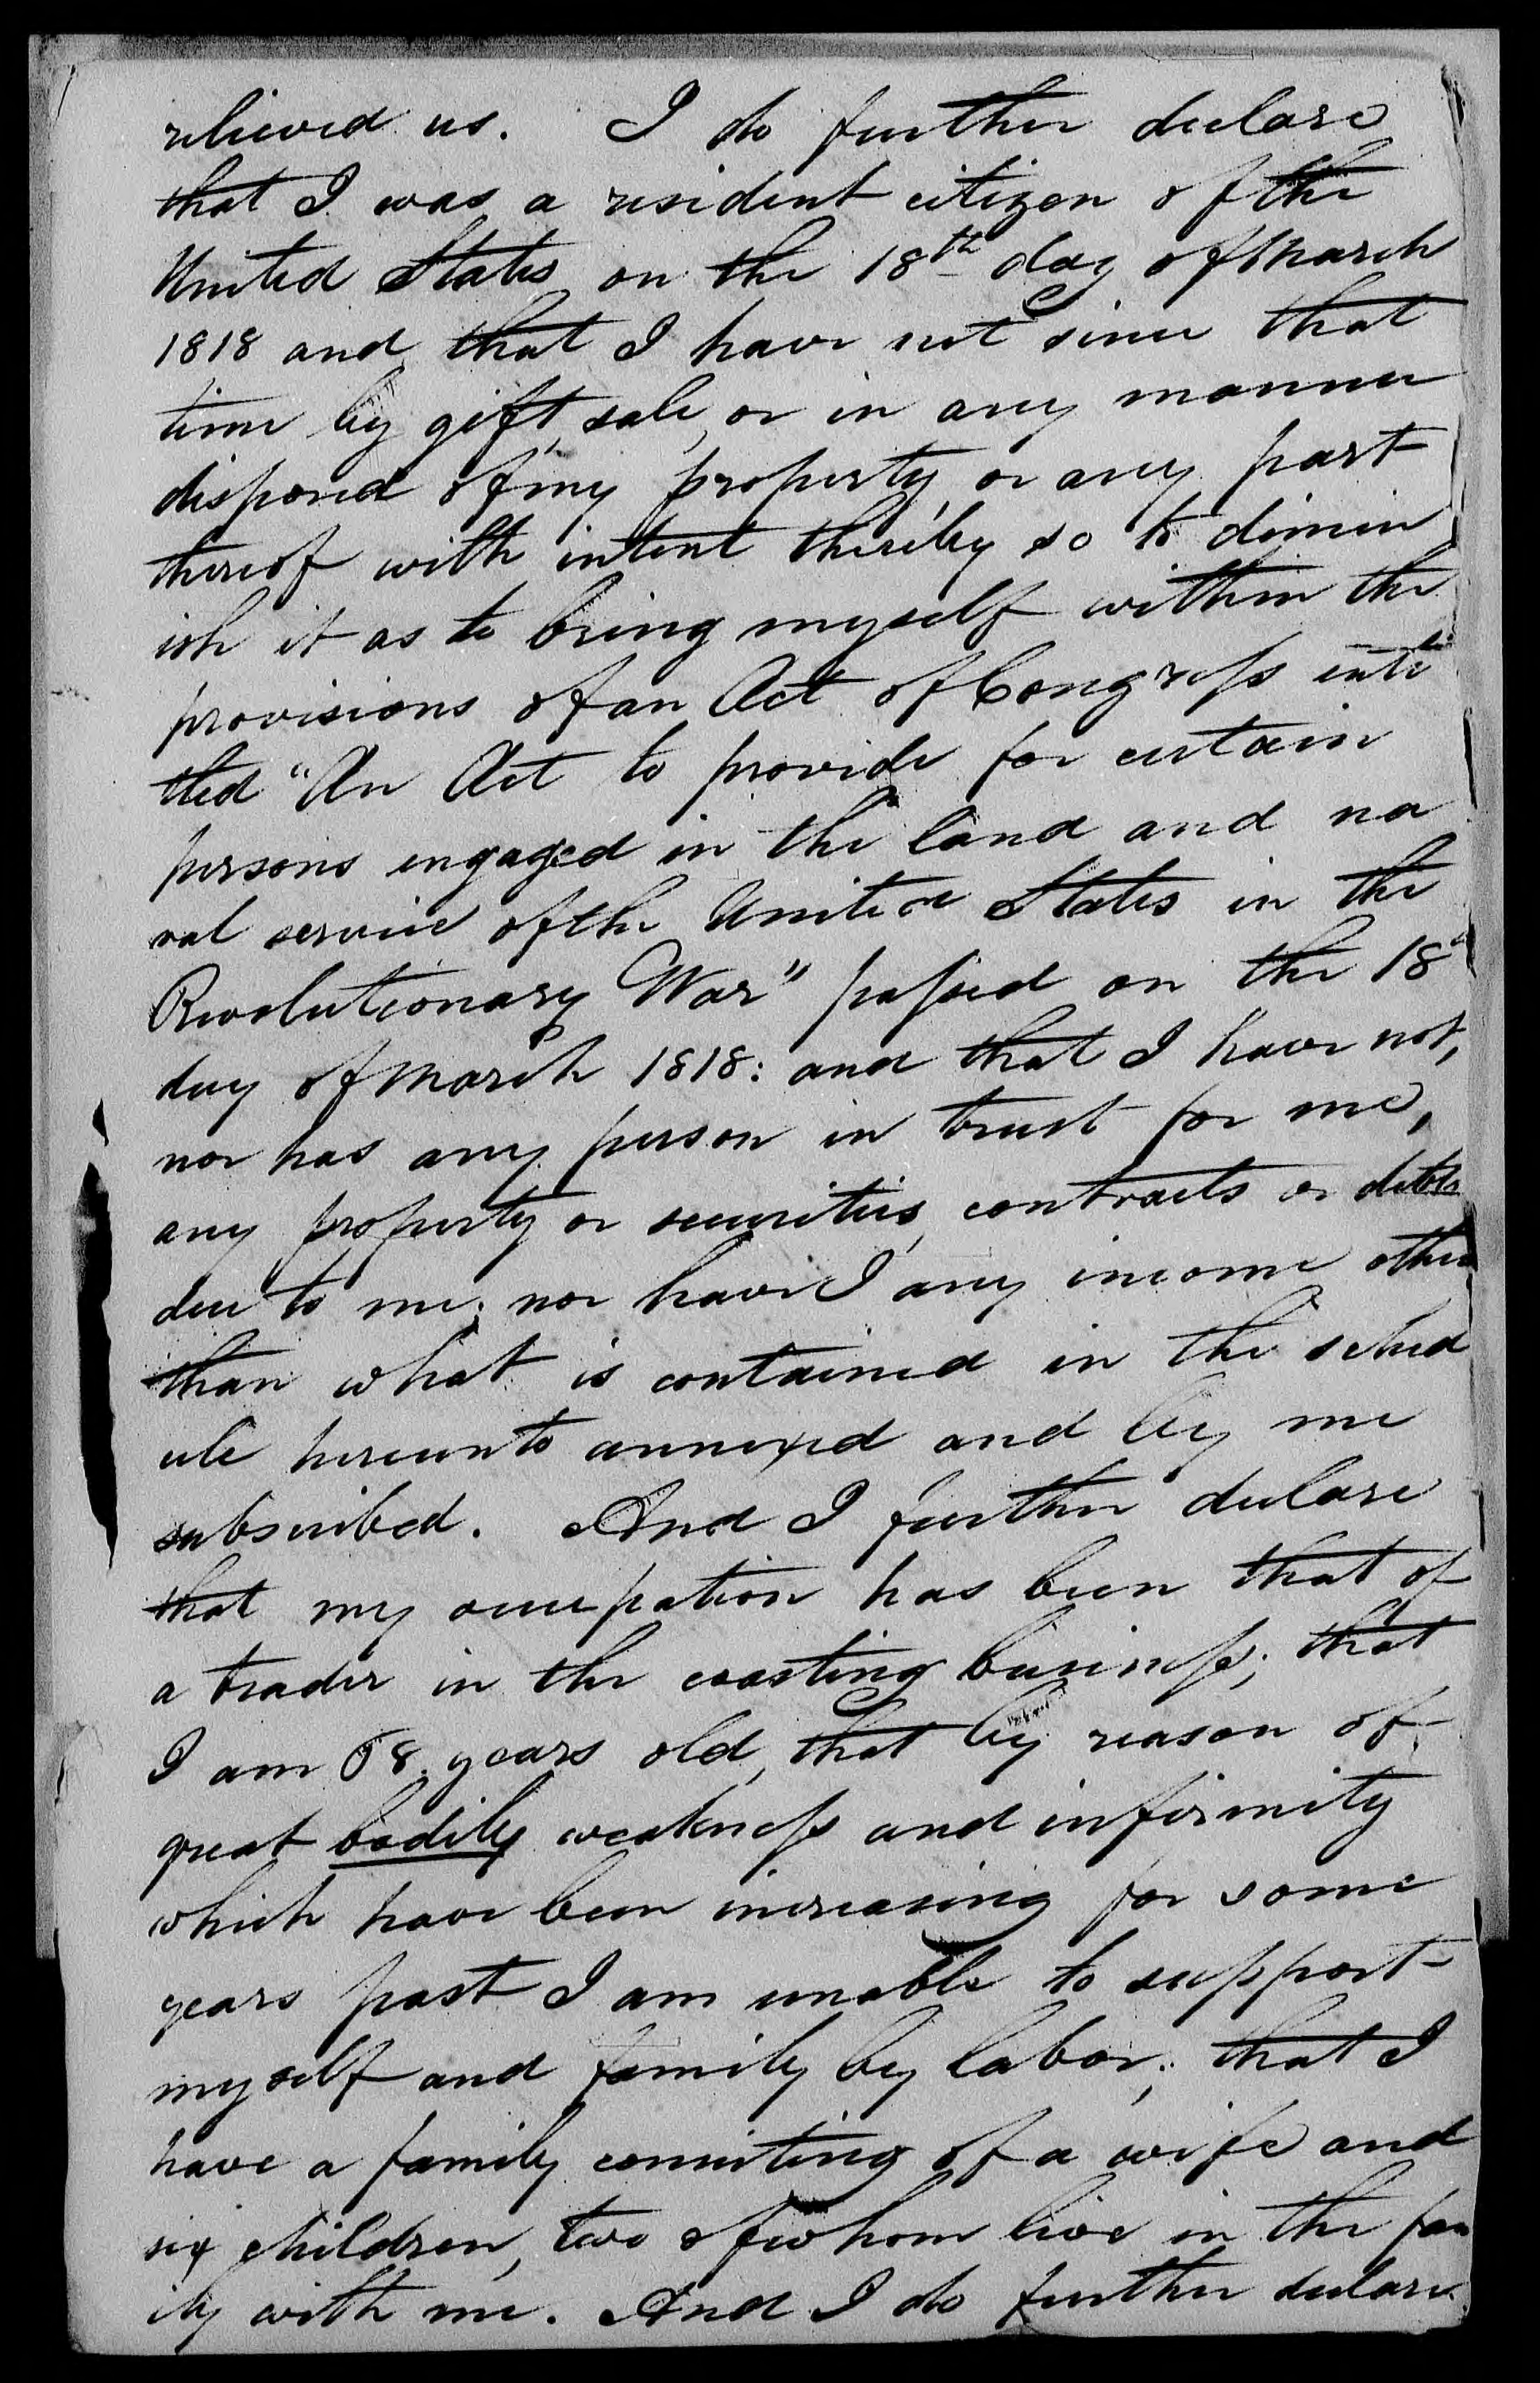relieved us.  I do further declare that I was a
resident citizen of the United States on the 18th day of March 1818 and that I have not since that time by gift sale, or in any manner
disposed of my property or any part thereof with intent thereby so to diminish it as to bring myself within the provisions of an act of Congress entitled "An Act to provide for certain persons engaged in the land and naval service of the United States in the Revolutionary War" passed on the 18th day of March 1818; and that I have not, nor has any person in trust for me, any property or securities contracts or debts due to me; nor have I any income other than what is contained in the schedule hereunto annexed and by me subscribed.  And I further declare
that my occupation has been that of
a trader in the casting business; that
I am 68 years old, that by reason of great
bodily weakness and infirmity which have been increasing for some years past, I am unable to support myself and family by labor; that I
have a family consisting of a wife and
six children, two of whom live in the family with me. And I do further declare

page: 6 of 42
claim: survivor's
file: S. 36,819, for Samuel Stow, Connecticut